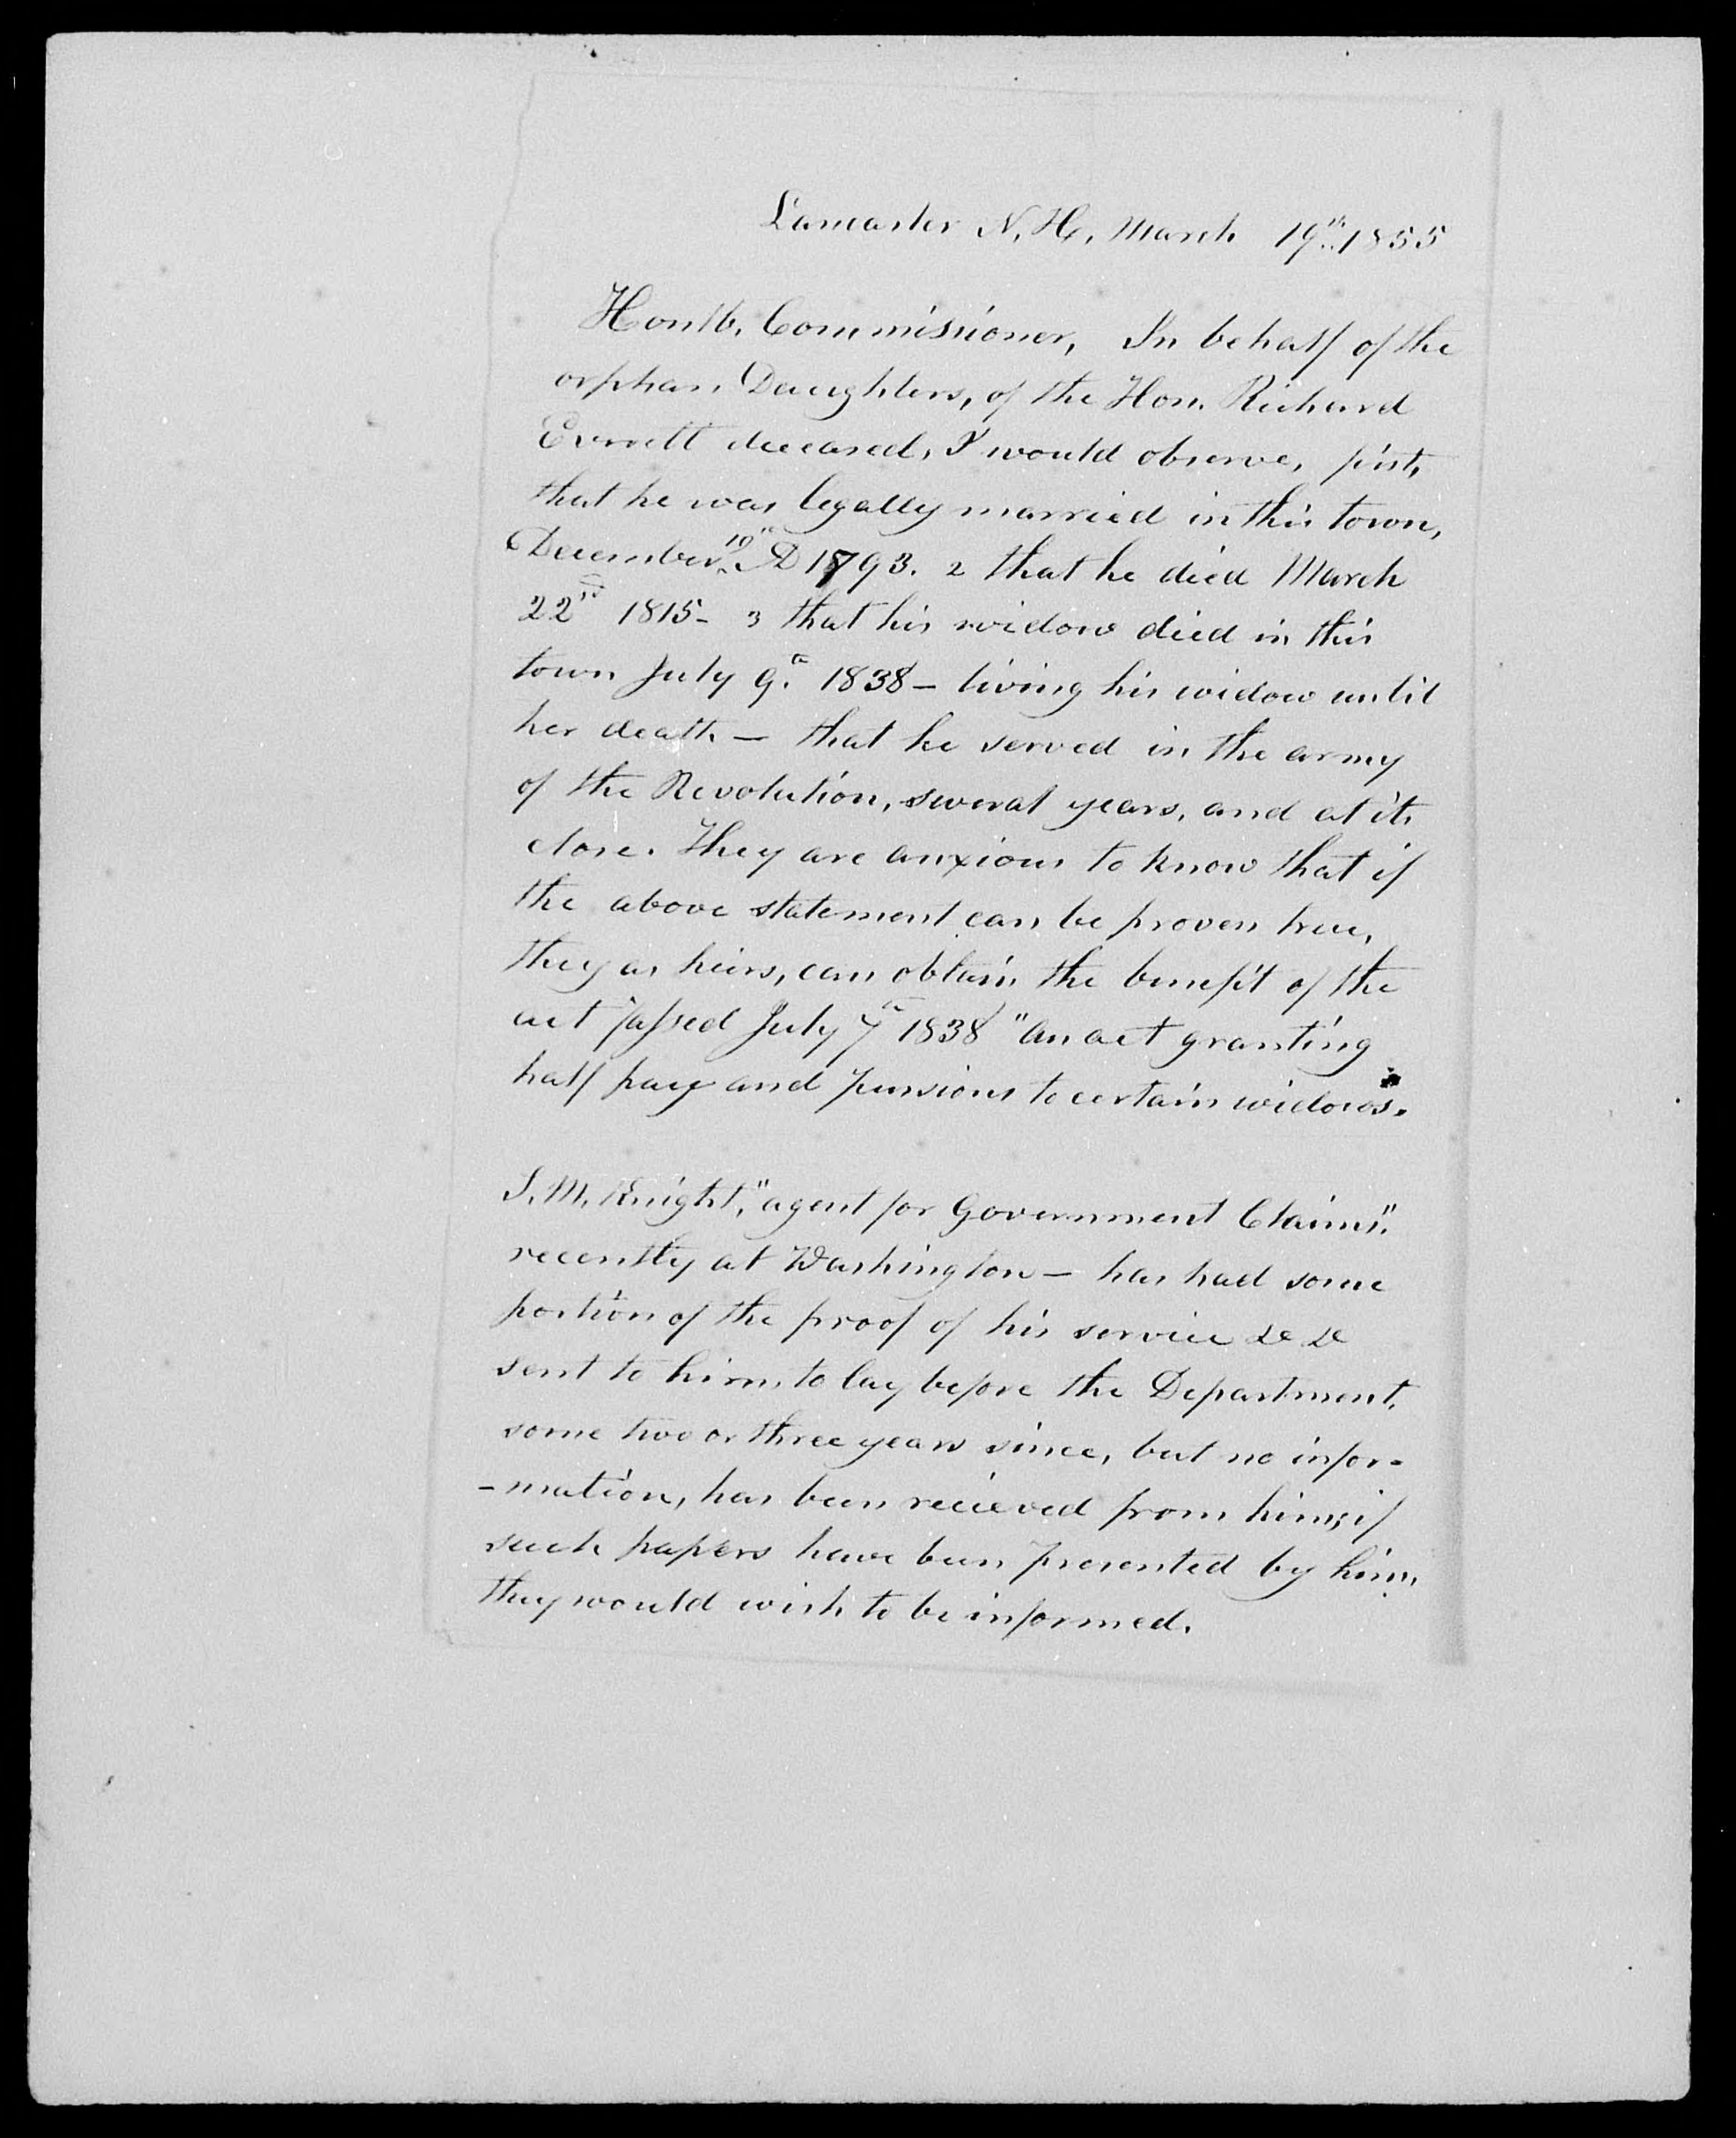Lancaster N.H. March 19th 1855
Honlb. Commissioner, In behalf of the orphan Daughters of the Hon. Richard Evrrett [Everett] deceased, I would observe, first that he was legally married in this town, December 19th AD 1793. 2 that he died March 22nd 1815_ 3 that his widow died in this town July 9th, 1838_ living his widow until her death_ that he served in the army of the Revolution, several years, and at its close. They are anxious to know that if the above statement can be proven true, they as heirs, can obtain the benefit of the act passed July 7th 1838 "an act granting half pay and pensions to certain widows.
S.M. Knight, "agent for Government Claims," recently at Washington_ has had some portion of the proof of his service do do sent to him to lay before the Department some two or three years since, but no information has been recieved [received] from him; if such papers have been presented by him, they would wish to be informed.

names: S M Knight, Richard Everett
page: 20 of 59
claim: widow's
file: W. 23017, Richard Clair Everett, Mass.